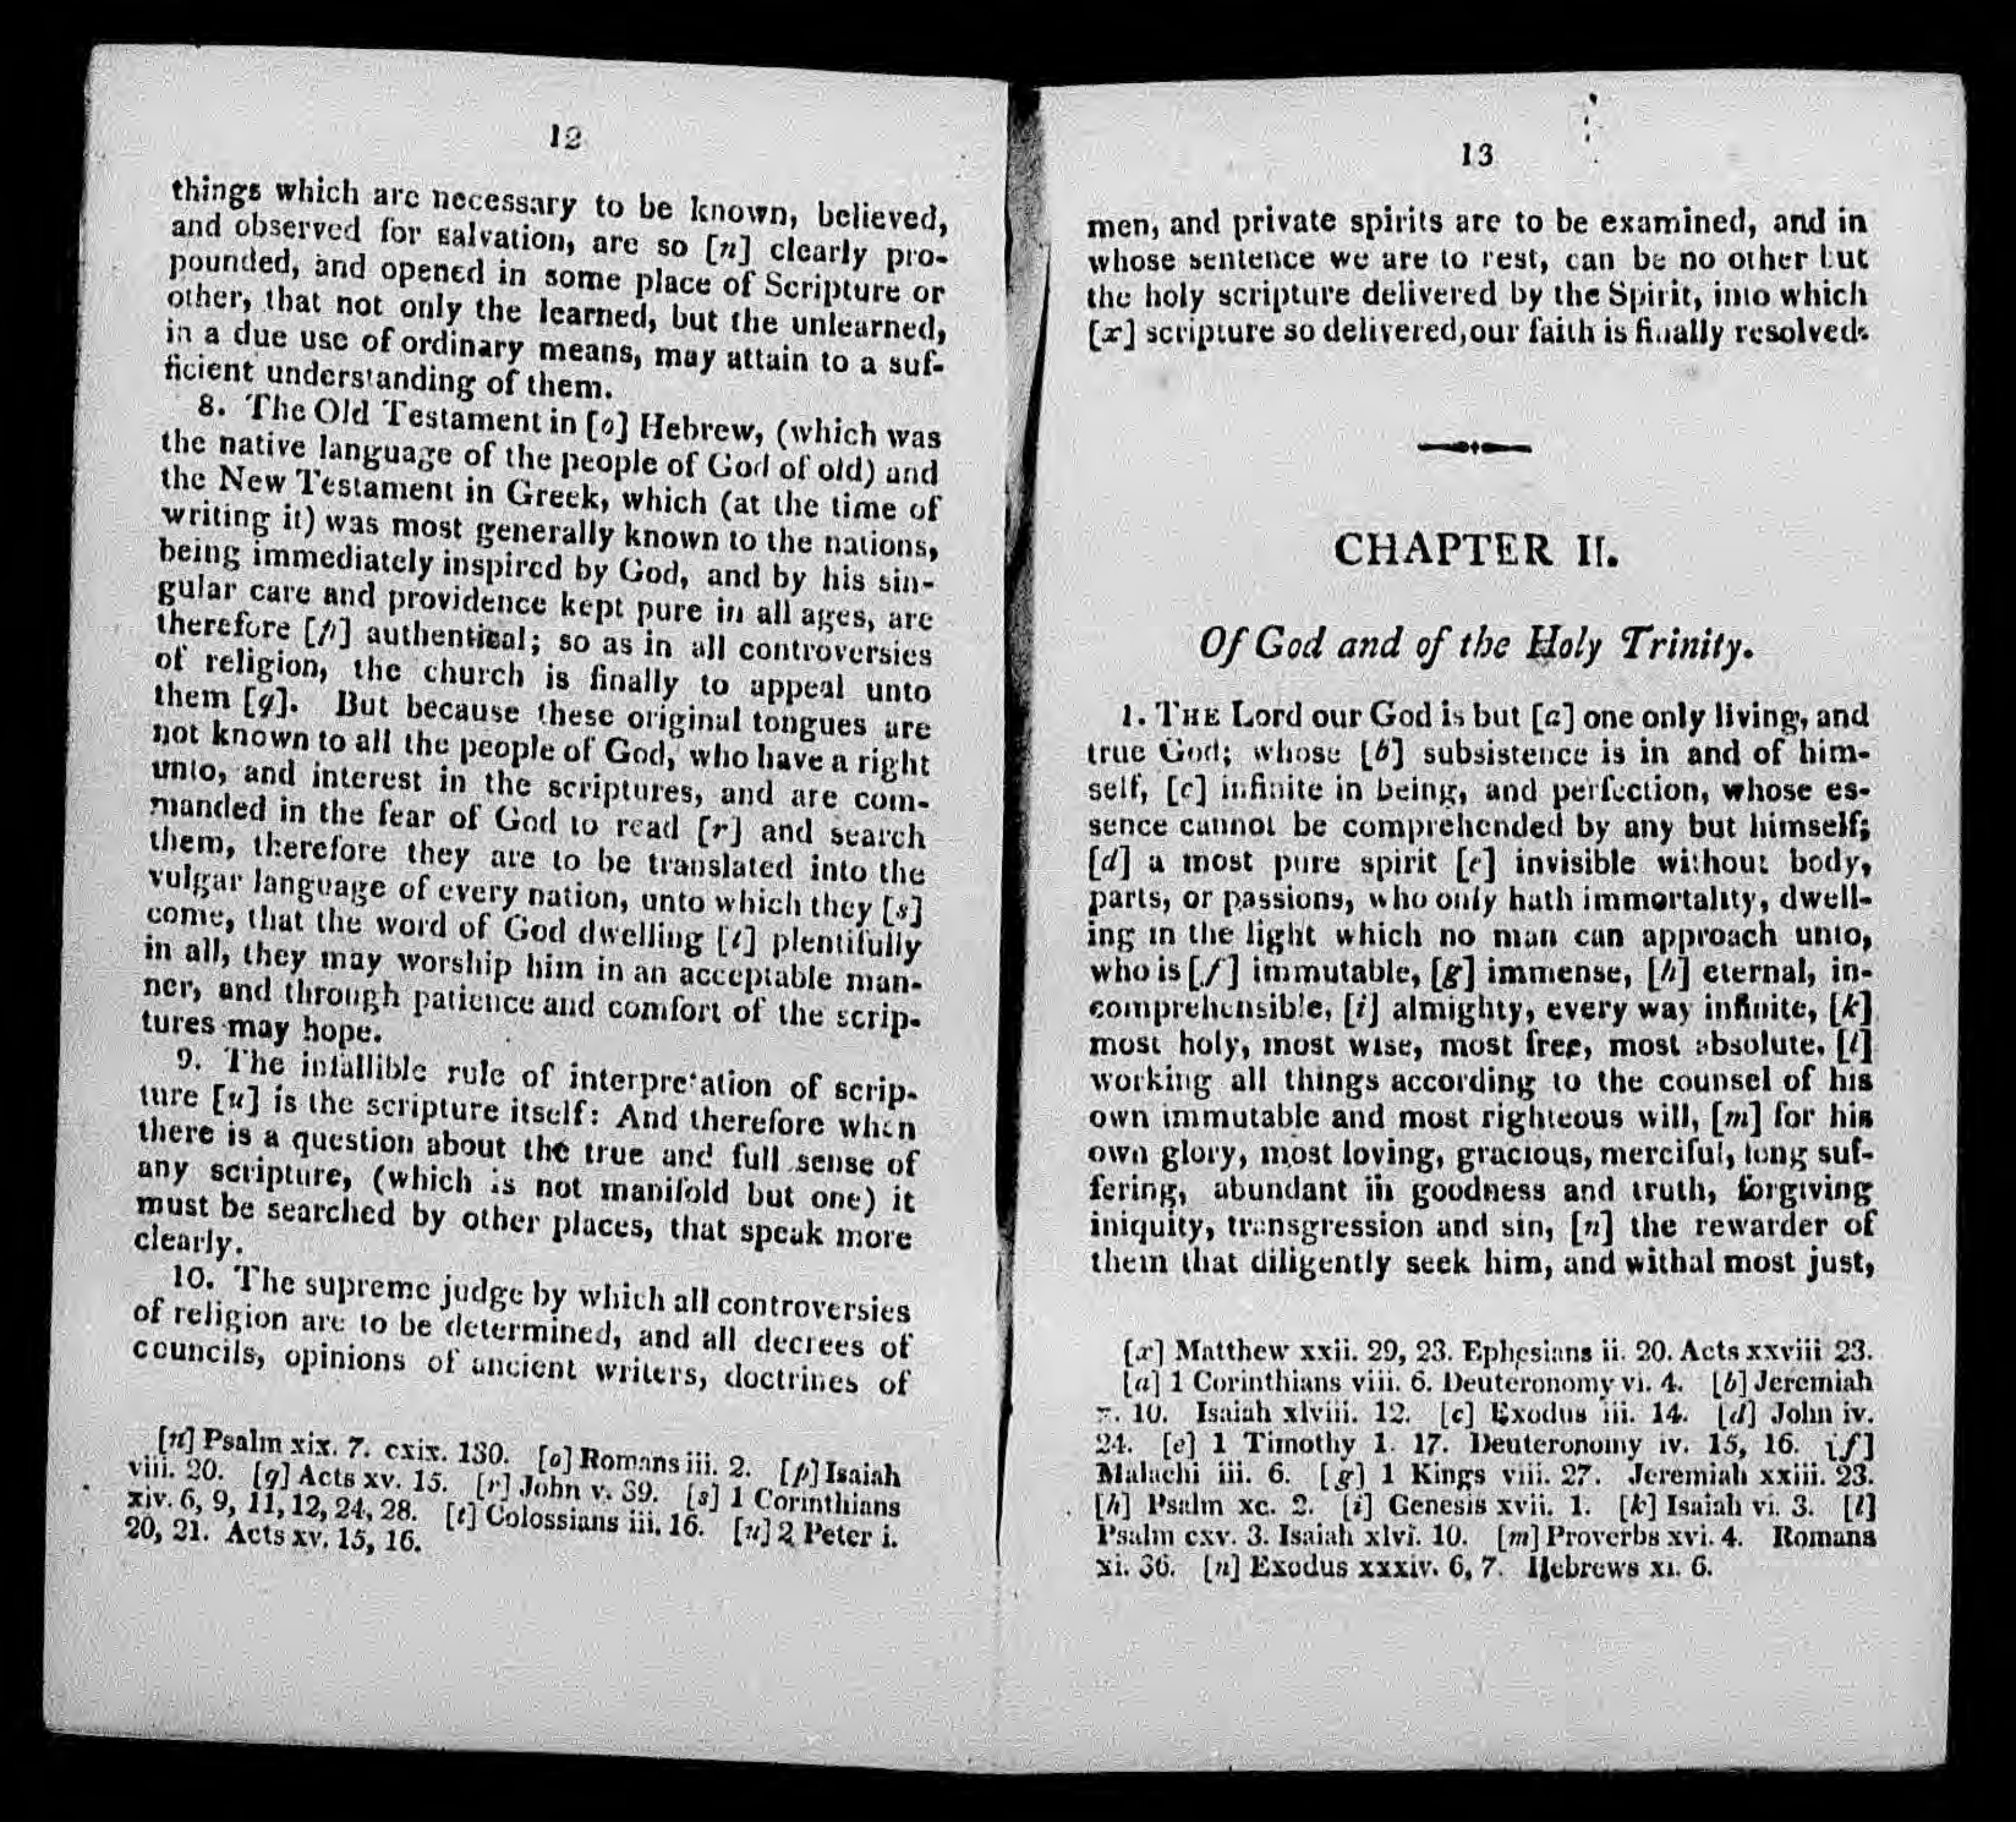12
things which are necessary to be known, believed,
and observed for salvation, are so clearly propounded, 
and opened in some place of Scripture or
other, that not only the learned, but the unlearned,
in a due use of ordinary means, may attain to a sufficient
understanding of them.

8. The Old Testament in to Hebrew, (which was
the native language of the people of God of old) and
the New Testament in Greek, which at the time of
writing it was most generally known to the nations,
being immediately inspired by God, and by his singular
care and providence kept pure in all ages, are
therefore [p] authentical; so as in all controversies
of religion, the church is finally to appeal unto
them [q]. But because these original tongues are
not known to all the people of God, who have a right
unto, and interest in the scriptures, and are commanded
in the fear of God to read and search
them, therefore they are to be translated into the
vulgar language of every nation, unto which they
come, that the word of God dwelling a plentifully
in all, they may worship him in an acceptable manner,
and through patience and comfort of the scriptures
may hope.

9.  The infallible rule of interpretation of scripture[u]
is the scripture itself: And therefore when
there is a question about the true and full sense of
any scripture, (which is not manifold but one it
must be searched by other places, that speak more
clearly.

10. The supreme judge by which all controversies
of religion are to be determined, and all decrees of
councils, opinions of ancient writers, doctrines of

[illegible]

13

men, and private spirits are to be examined, and in
whose sentence we are to rest, can be no other but
the holy scripture delivered by the Spirit, into which
[x] scripture so delivered, our faith is finally resolved
---------
CHAPTER II.

Of God and of the Holy Trinity.

1. THE Lord our God is but alone only living, and
true God; whose (6) subsistence is in and of him
self, infinite in being, and perfection, whose essence
cannot be comprehended by any but himself;
[d]  a most pure spirit (3 invisible without body,
parts, or passions, who only hath immortality, dwelling
in the light which no man can approach unto
who is [f] immutable, [g] immense, [h] eternal, in
comprehensible, [i](almighty, every way infinite, [k]
most holy, most wise, most free, most absolute [l]
working all things according to the counsel of his
own immutable and most righteous will, [m]for his
own glory, most loving, gracious, merciful, long suffering,
abundant in goodness and truth, forgiving
iniquity, transgression and sin, [n] the rewarder of
them that diligently seek him, and withal most just

(x) Matthew xxii. 29, 23, Ephesians i. 20. Acts xxvii. 23.
[a] 1 Corinthians viii. 6. Deuteronomy vi. 4. [b] Jeremiah
10. Isaiah xlvii. 12. ([e]Exodus 11. 14. [d] John L.
24. [e]( 1 Timothy 1. 17. Deuteronomy iv. 15, 16, [f]
Malachi iii. 6. [g] 1 Kings vii. 27, Jeremiah xxiii. 23.
[h] Psalm xc. 2. [i] Genesis xxvii.[k] Isaiah vi. 3. [l]
Psalm [n]. 3. Isaiah xlvi. 10. [m] Proverbs xxvi. 4. Romans
xi. 36, (a Exodus xxxiv. 6, 7, Hebrews xi. 6.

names: Isaiah, Isaiah, John, John, Jeremiah, Jeremiah, Matthew, Peter, Malachi, Timothy, Isaiah, Isaiah, Kings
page: 18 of 98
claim: widow's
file: W. 8398, William Broadway, S.C.